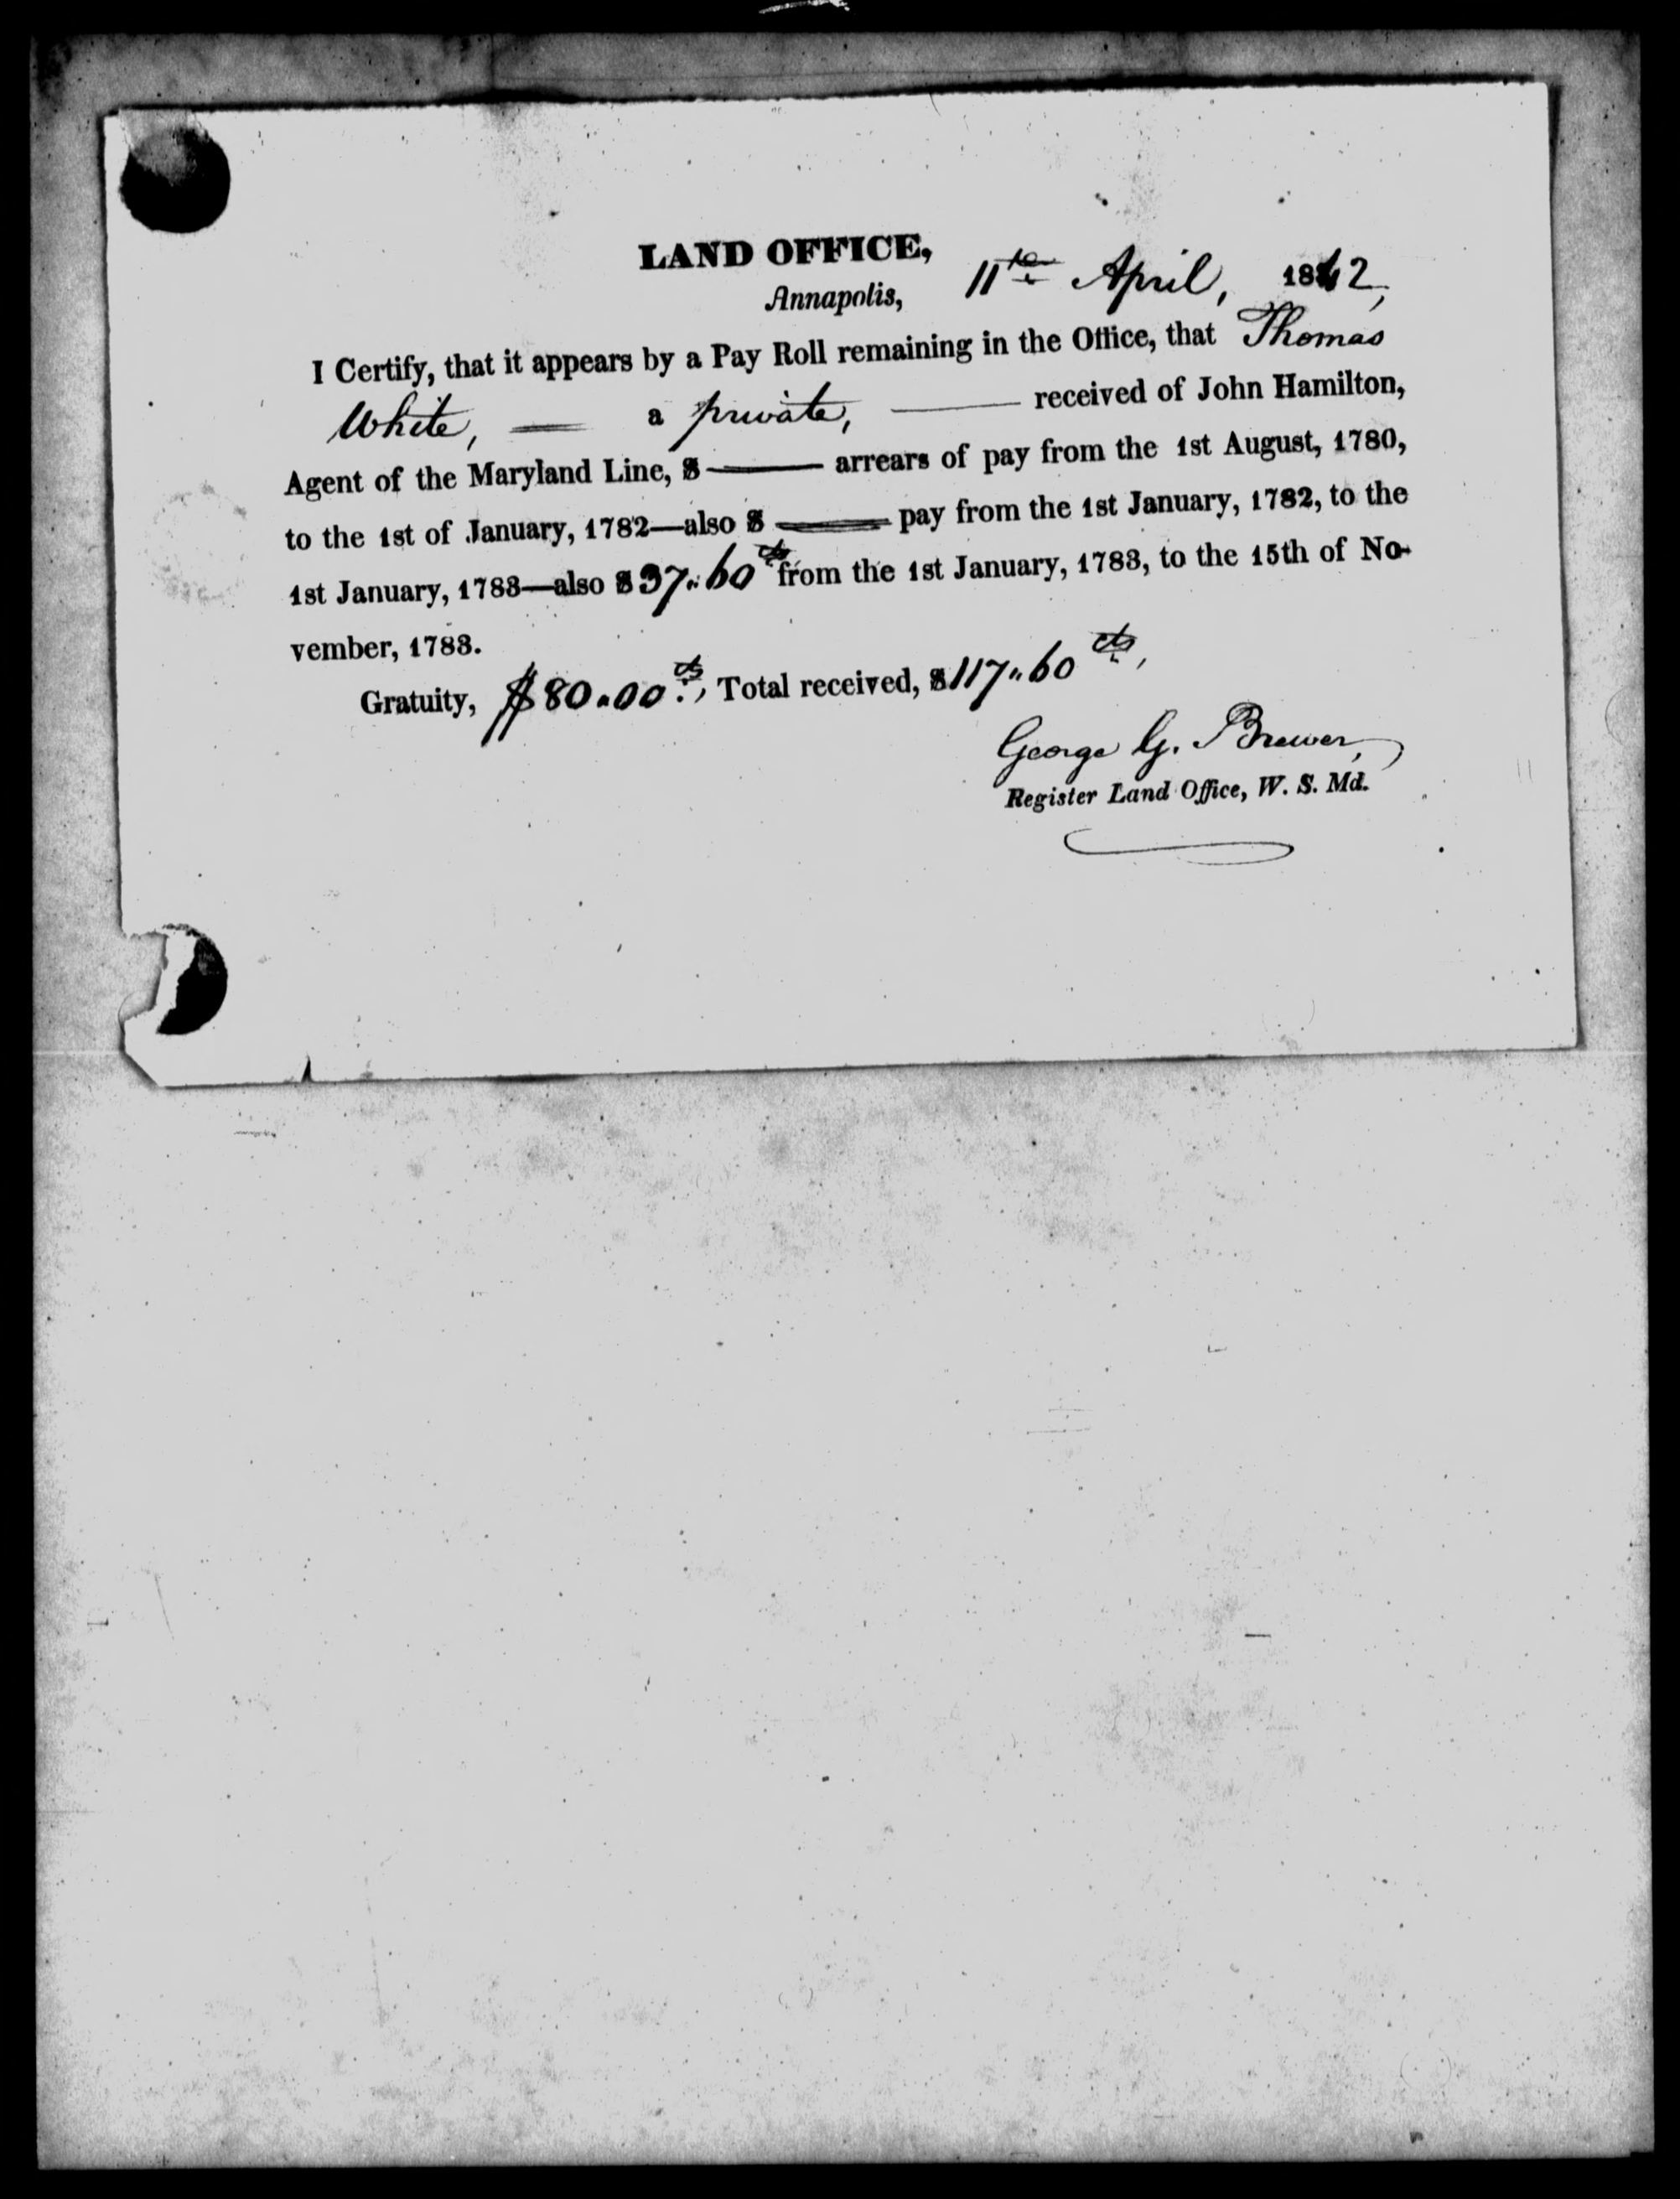Land Office, 
Annapolis, 
11th April, 1842
I Certify, that it appears by a Pay Roll remaining in the Office, that Thomas White, a Private, received of John Hamilton, Agent of the Maryland Line, arrears of pay from the 1st August, 1780, to the 1st of January, 1782 also pay from the 1st January 1782, to the 1st Janurary, 1788 also $37.60 from the 1st January, 1788, to the 15th of November, 1788. 
Gratuity, $80.00, Total received $117.60.
George G. Brewer, 
Register Land Office, W. S. Md.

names: Thomas White, George G Brewer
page: 6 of 43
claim: survivor's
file: S. 15240, Thomas White, Md.